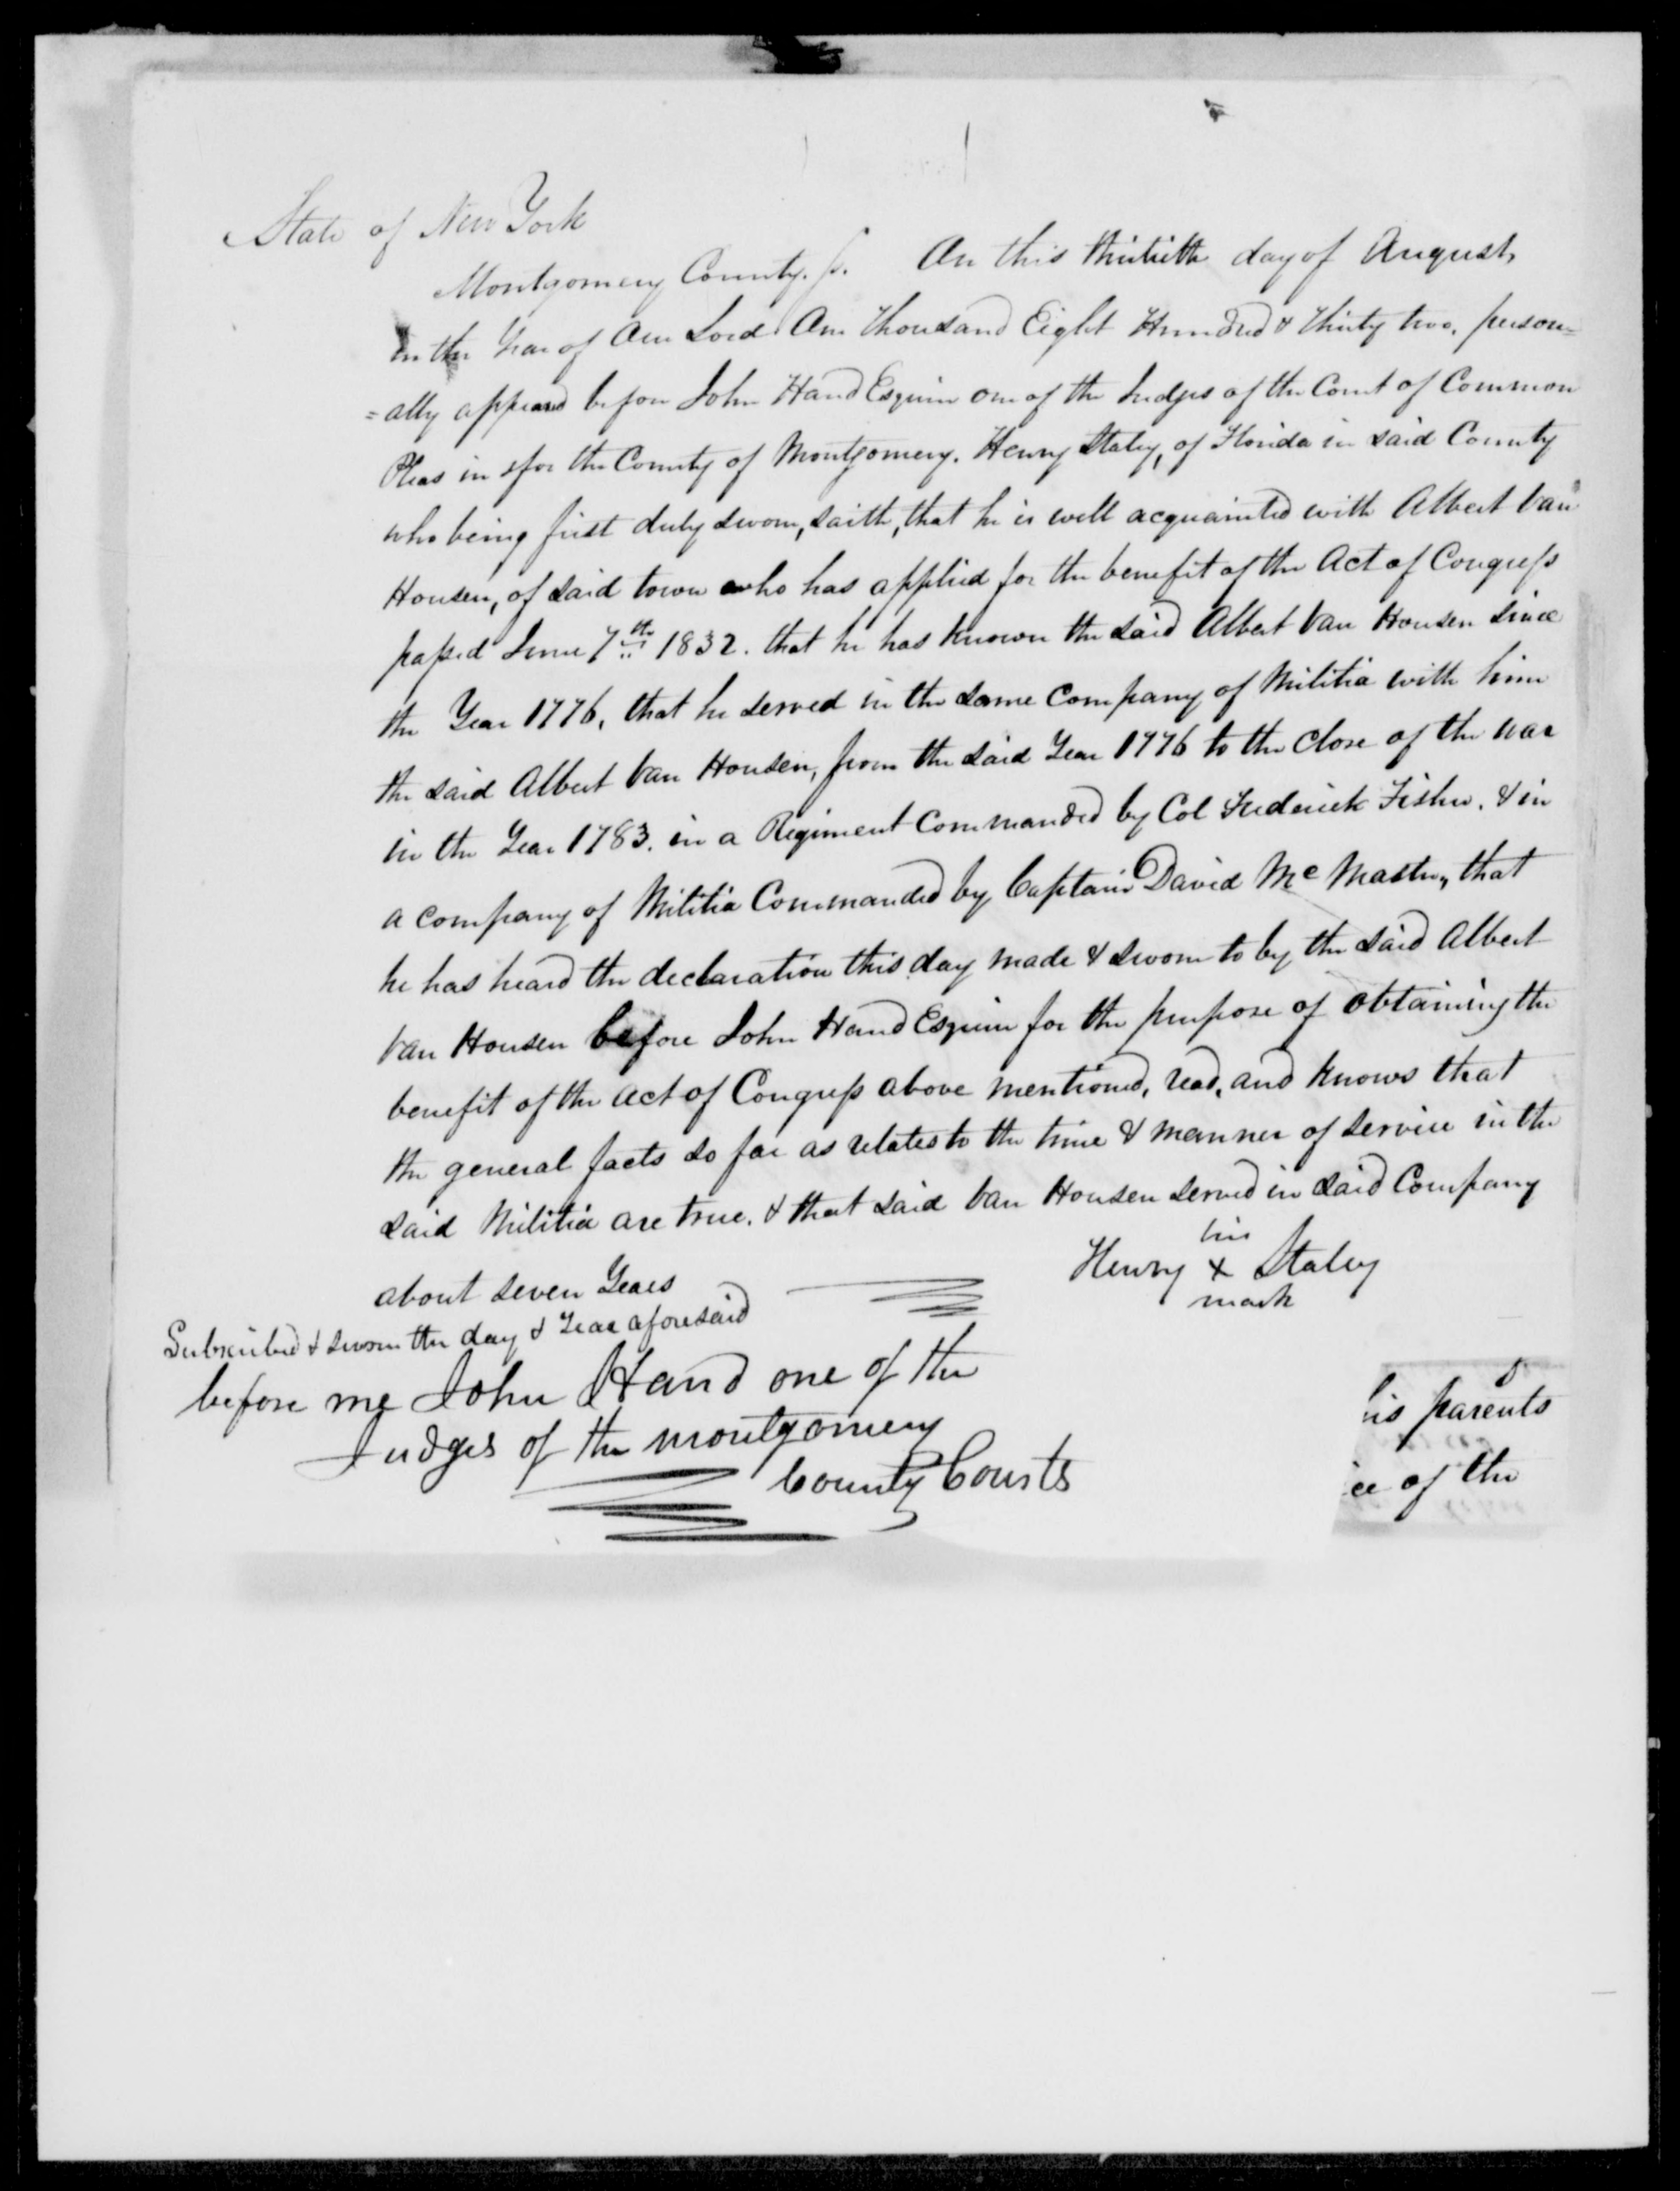State of New York 
Montgomery County ss. On this thirtieth day of August in the year of our Lord One Thousand Eight Hundred & Thirty two personally appeared before John Hand Esquire one of the Judges of the Court of Common Pleas in for the County of Montgomery, Henry Staley of Florida in said County who being first duly sworn, saith, that he is well acquainted with Albert Van Housen, of said town who has applied for the benefit of the Act of Congress passed June 7th 1832. that he has known the said Albert Van Houten since the year 1776, that he served in the same company of Militia with him the said Albert Van Housen, from the said year 1776 to the close of the war in the year 1783. in a Regiment commanded by Col Frederick Fisher & in a company of Militia commanded by Captain David McMaster, that he has heard the declaration this day made & sworn to by the said Albert Van Housen before John Hand Esquire for the purpose of obtaining the benefit of the act of Congress above mentioned, read, and knows that the general facts so far as relates to the time & manner of service in the said Militia are true & that said Van Housen served in said Company about seven years 
[signed] Henry Staley X his mark
Subscribed & Sworn the day & year aforesaid before me John Hand one of the Judges of the Montgomery County Courts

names: John Hand, Frederick Fisher, David Mc Master, John Hand, Henry Staley, John Hand, Albert Van Housen, Albert Van Housen, Albert Van Housen, Henry Staley, Albert Van Housen, Van Housen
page: 6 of 57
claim: survivor's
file: S. 28,925, Albert Van Housen, New York